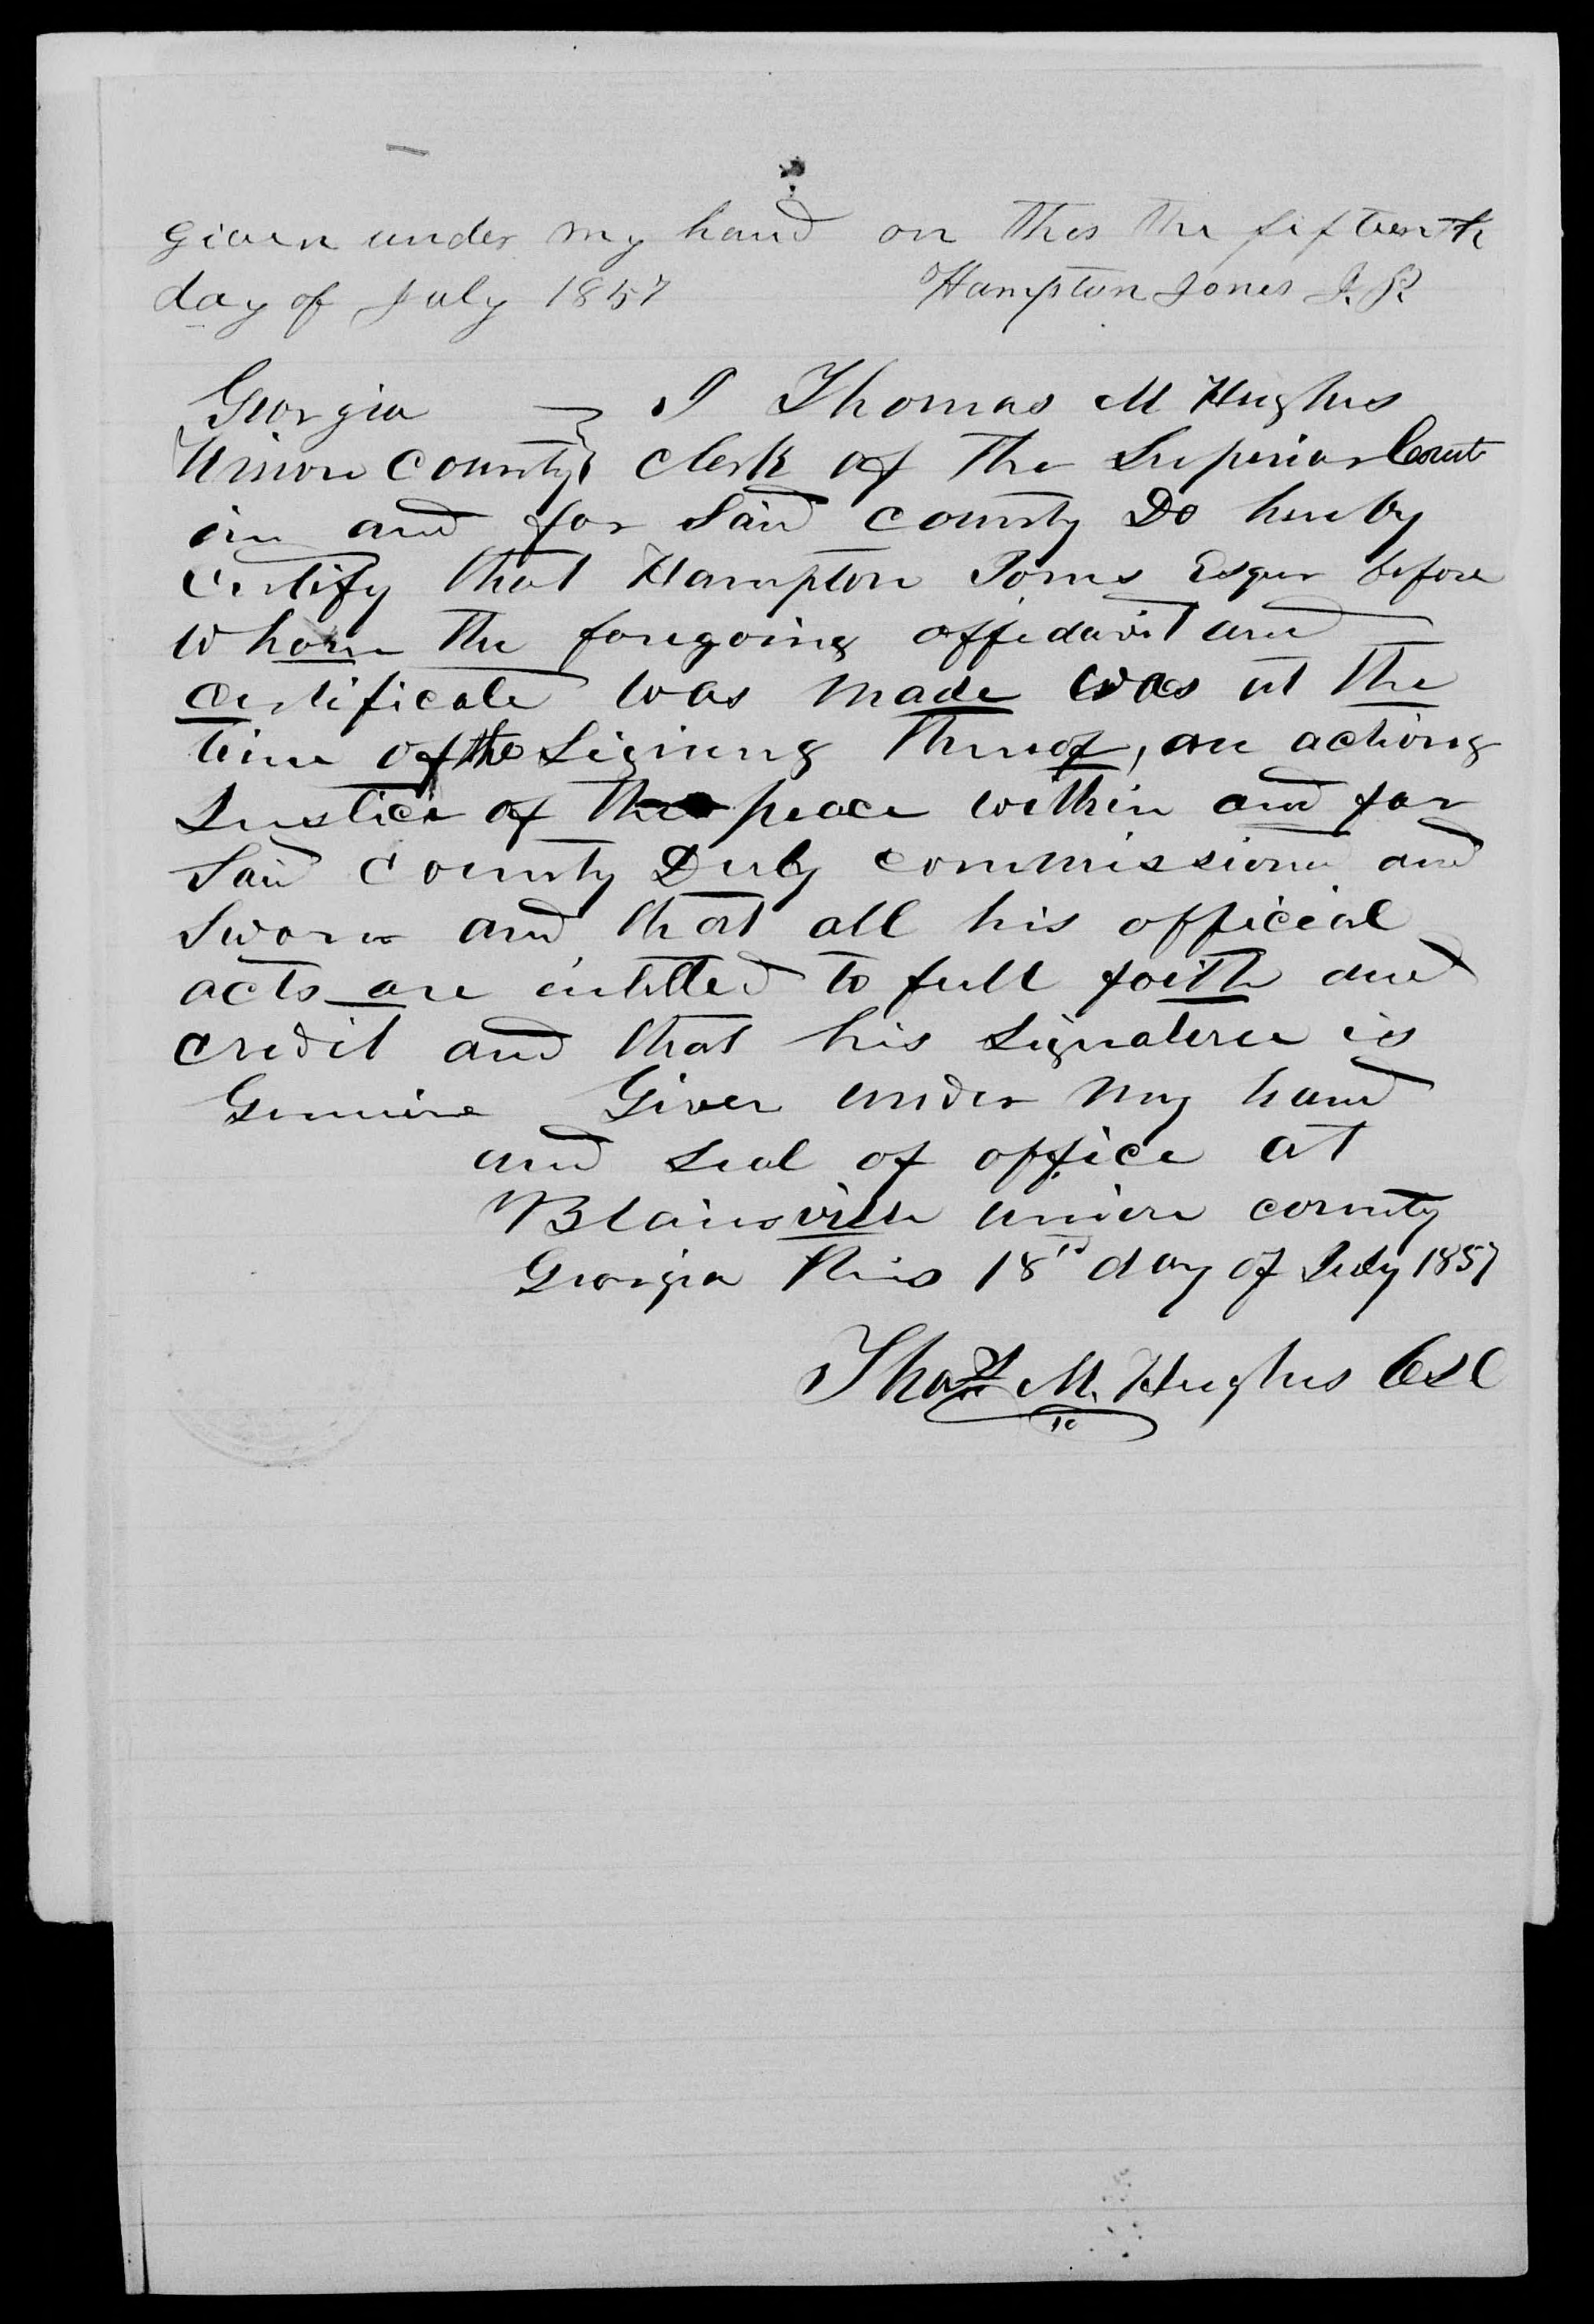Given under my hand on this the fifteenth day of July 1857.  Hampton Jones JP

Georgia
Union County} I Thomas M Hughes clerk of the Superior Court in and for said County do hereby certify that Hampton Jones Esqr before whom the foregoing affidavit and certificate was made was at the time of the signing thereof, an acting Justice of the Peace within and for said county duly commissioned and sworn and that all his official acts are entitled to full faith and credit and that his signature is genuine. Given under my hand and seal of office at Blairsville Union County Georgia this 18th day of July 1857

Thos M Hughes Clk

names: Thomas M Hughes, Hampton Jones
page: 77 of 108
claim: rejected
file: R. 7,515, John Hudgins, N.C.